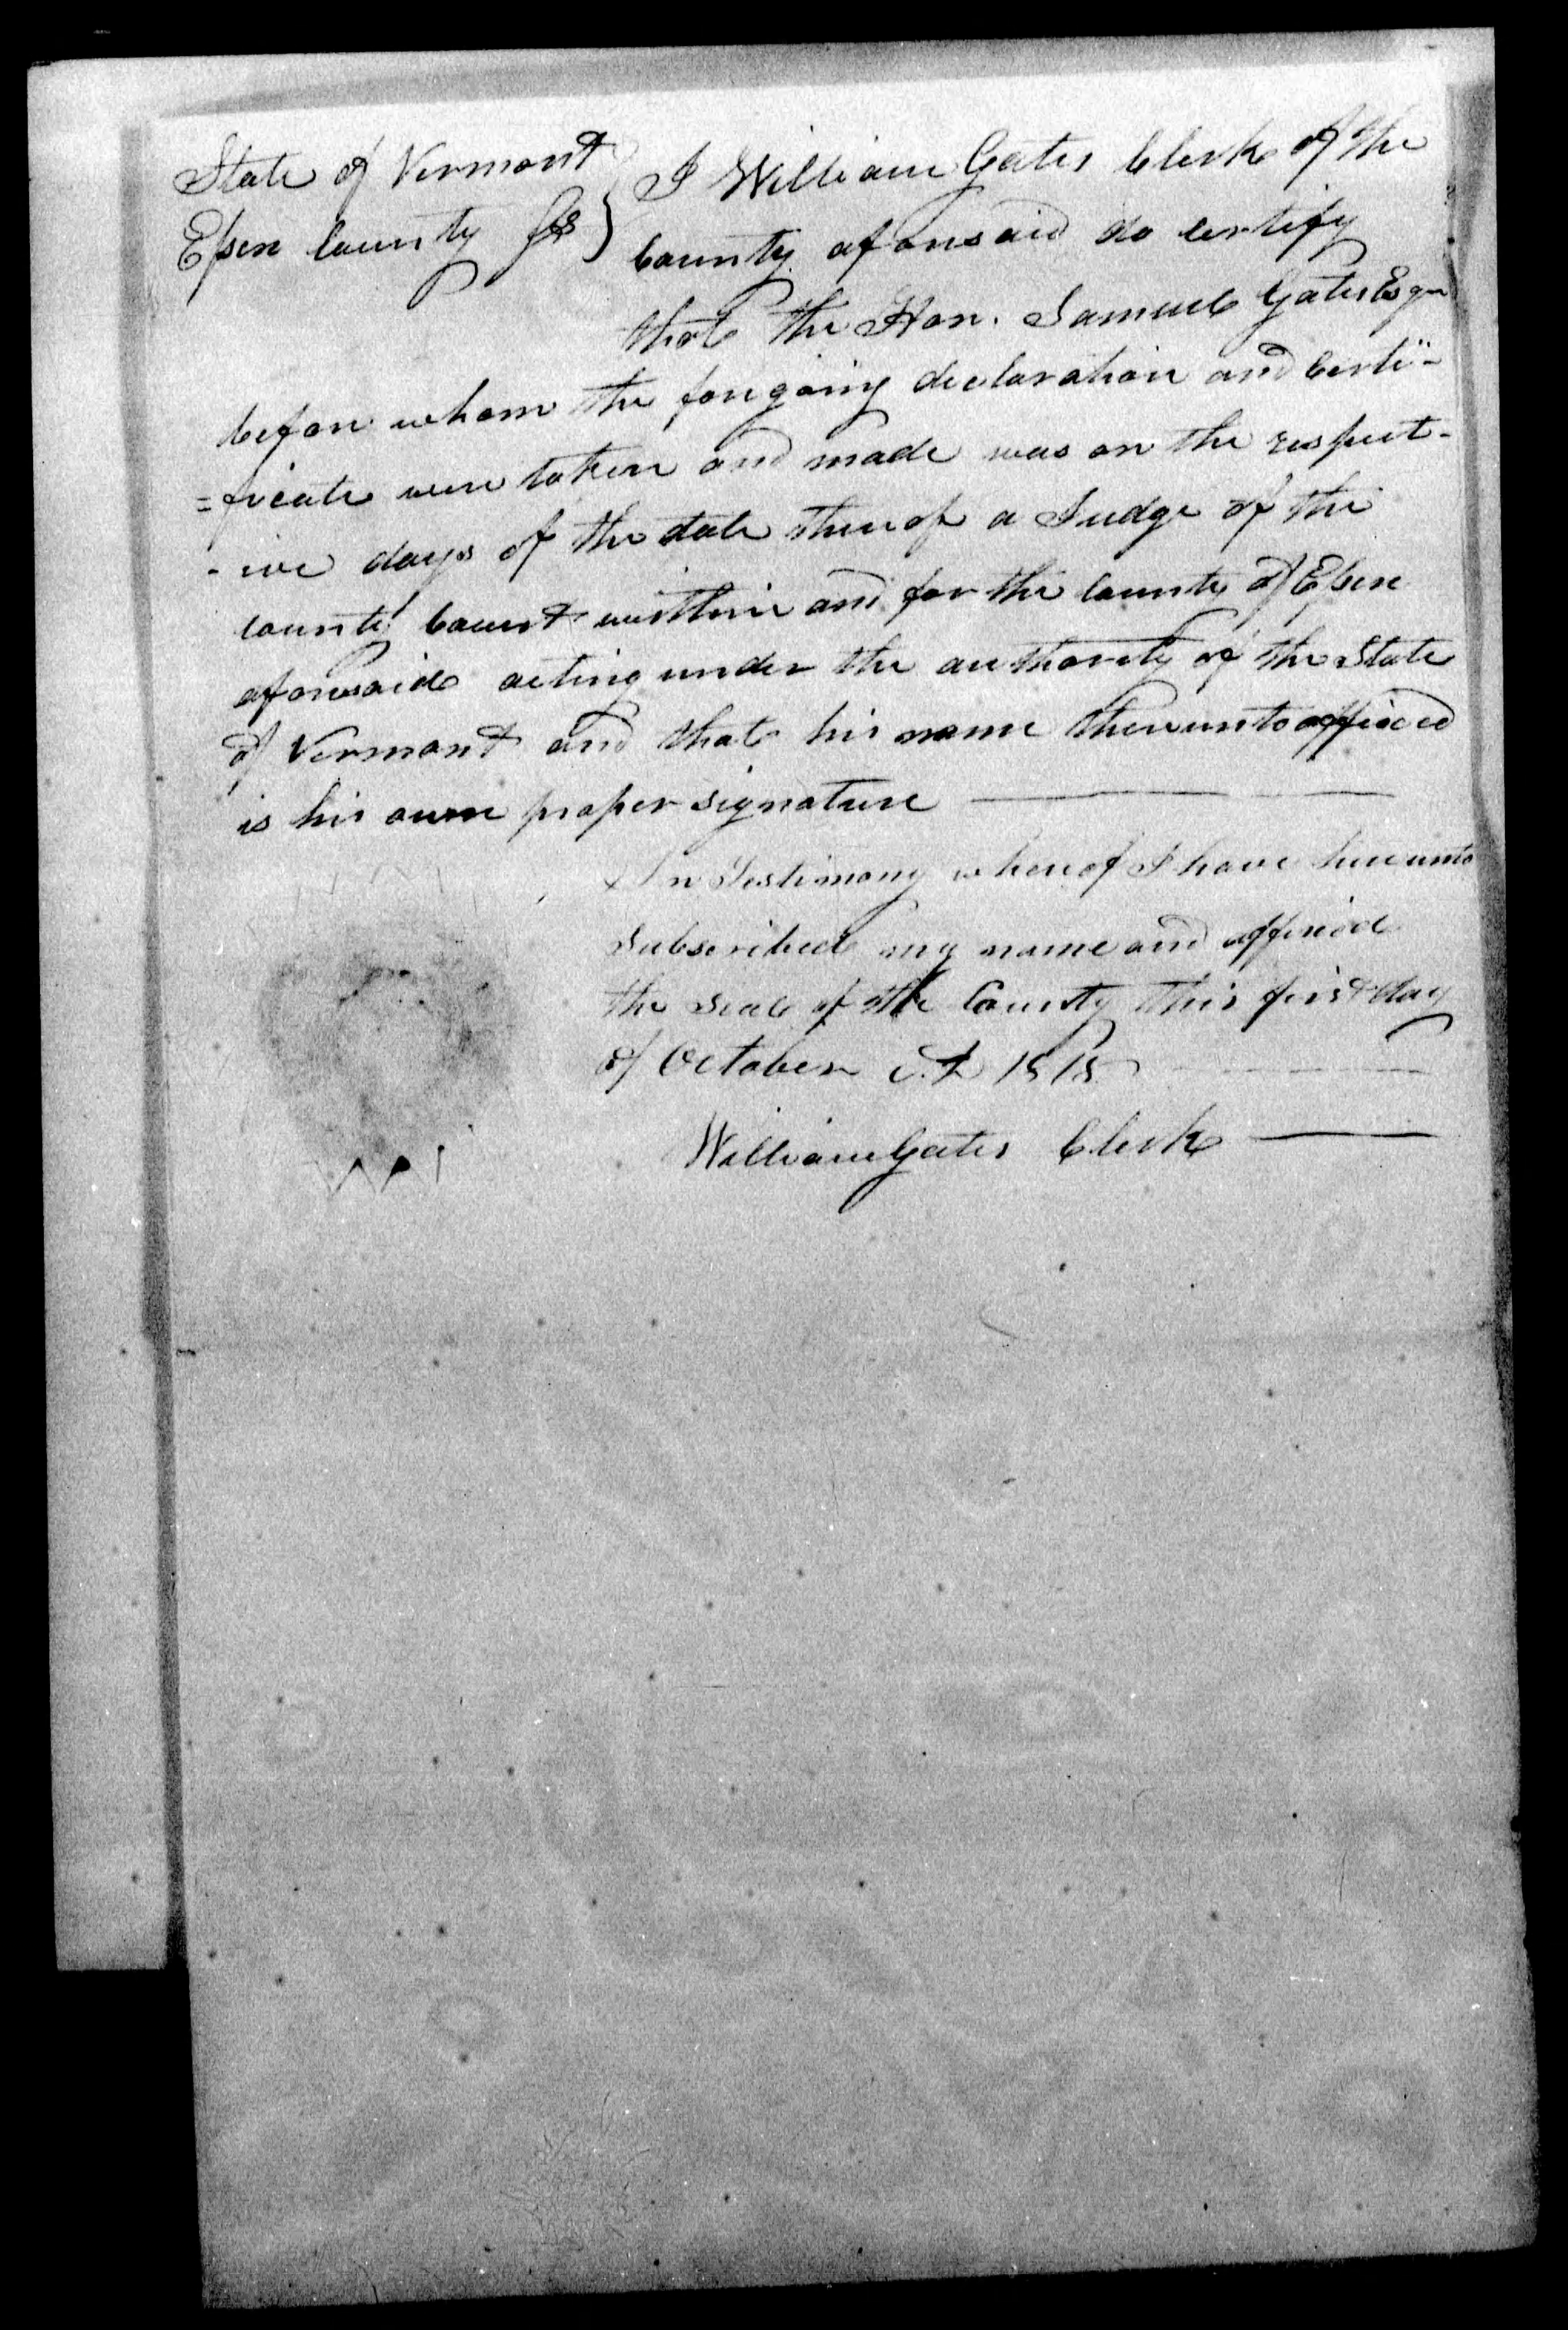State of Vermont
Essen County ss
I William Gates Clerk of the
County aforesaid do certify
that the Hon. Samuel Gates
before whom the foregoing declaration and certificate were taken and made was on the respective
days of the date thereof a Judge of the
County Court within and for the County of Essex
aforesaid acting under the authority of the State of
Vermont and that his name thereunto affixed
is his own proper signature-
In Testimony whereof I have hereunto
Subscribed my name and affixed
the seal of the County this first day
of October AD 1818
[signature] William Gates Clerk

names: William Gates; Samuel Gates; William Gates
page: 6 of 19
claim: survivor's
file: S 41975, for Hinds Reed, New Hampshire